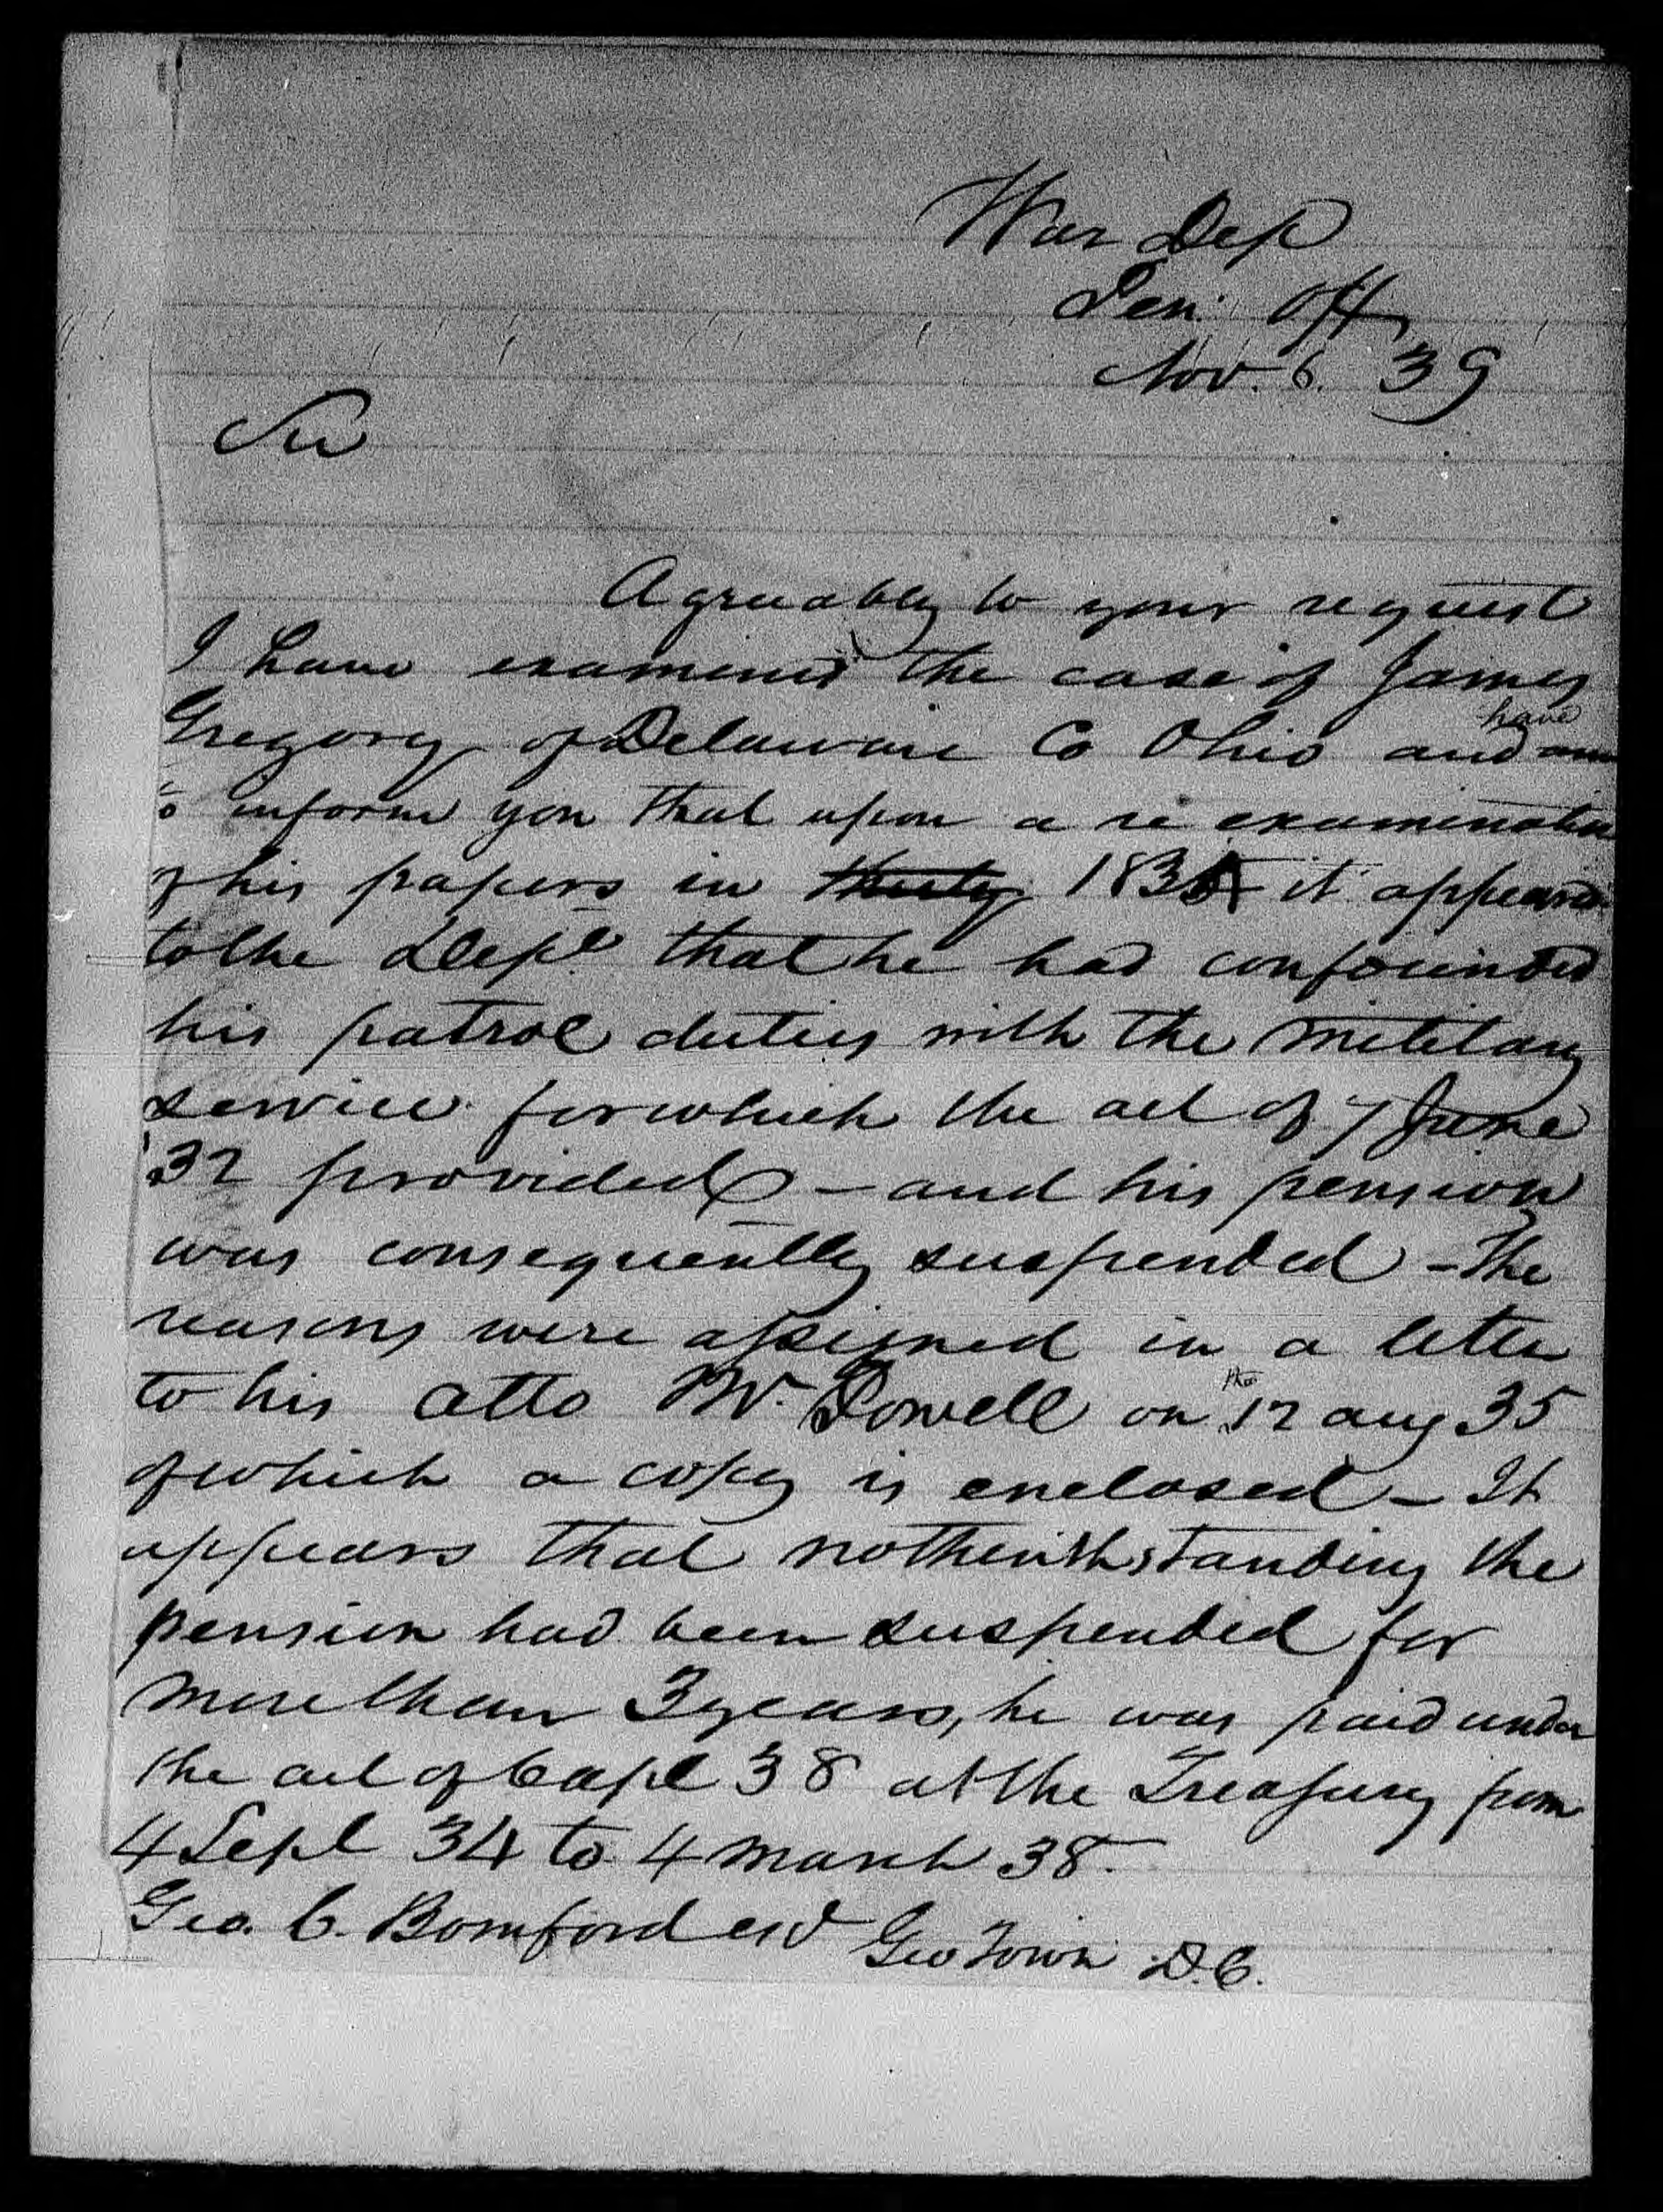War Dept
Pen Off
Nov 6 39

Sir

Agreeably to your request I have examined the case of James Gregory of Delaware Co Ohio and have to inform you that upon a reexamination of his papers in 183? it appears to the Dept that he had confounded his patrol duties with the military service for which the act of 7 June '32 provided, and his pension was consequently suspended. The reasons were assigned in a letter to his atty W Powell in the 12 day of 35 of which a copy is enclosed. It appears that notwithstanding the pension had been suspended for more than 3 years, he was paid under the act of Cong 38 at the Treasury from 4 Sept 34 to 4 March 38.

Geo C Bomford
Geo Town D.C.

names: Geo C Bomford, James Gregory, Powell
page: 22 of 27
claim: survivor's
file: S. 17445, James Gregory, Conn.